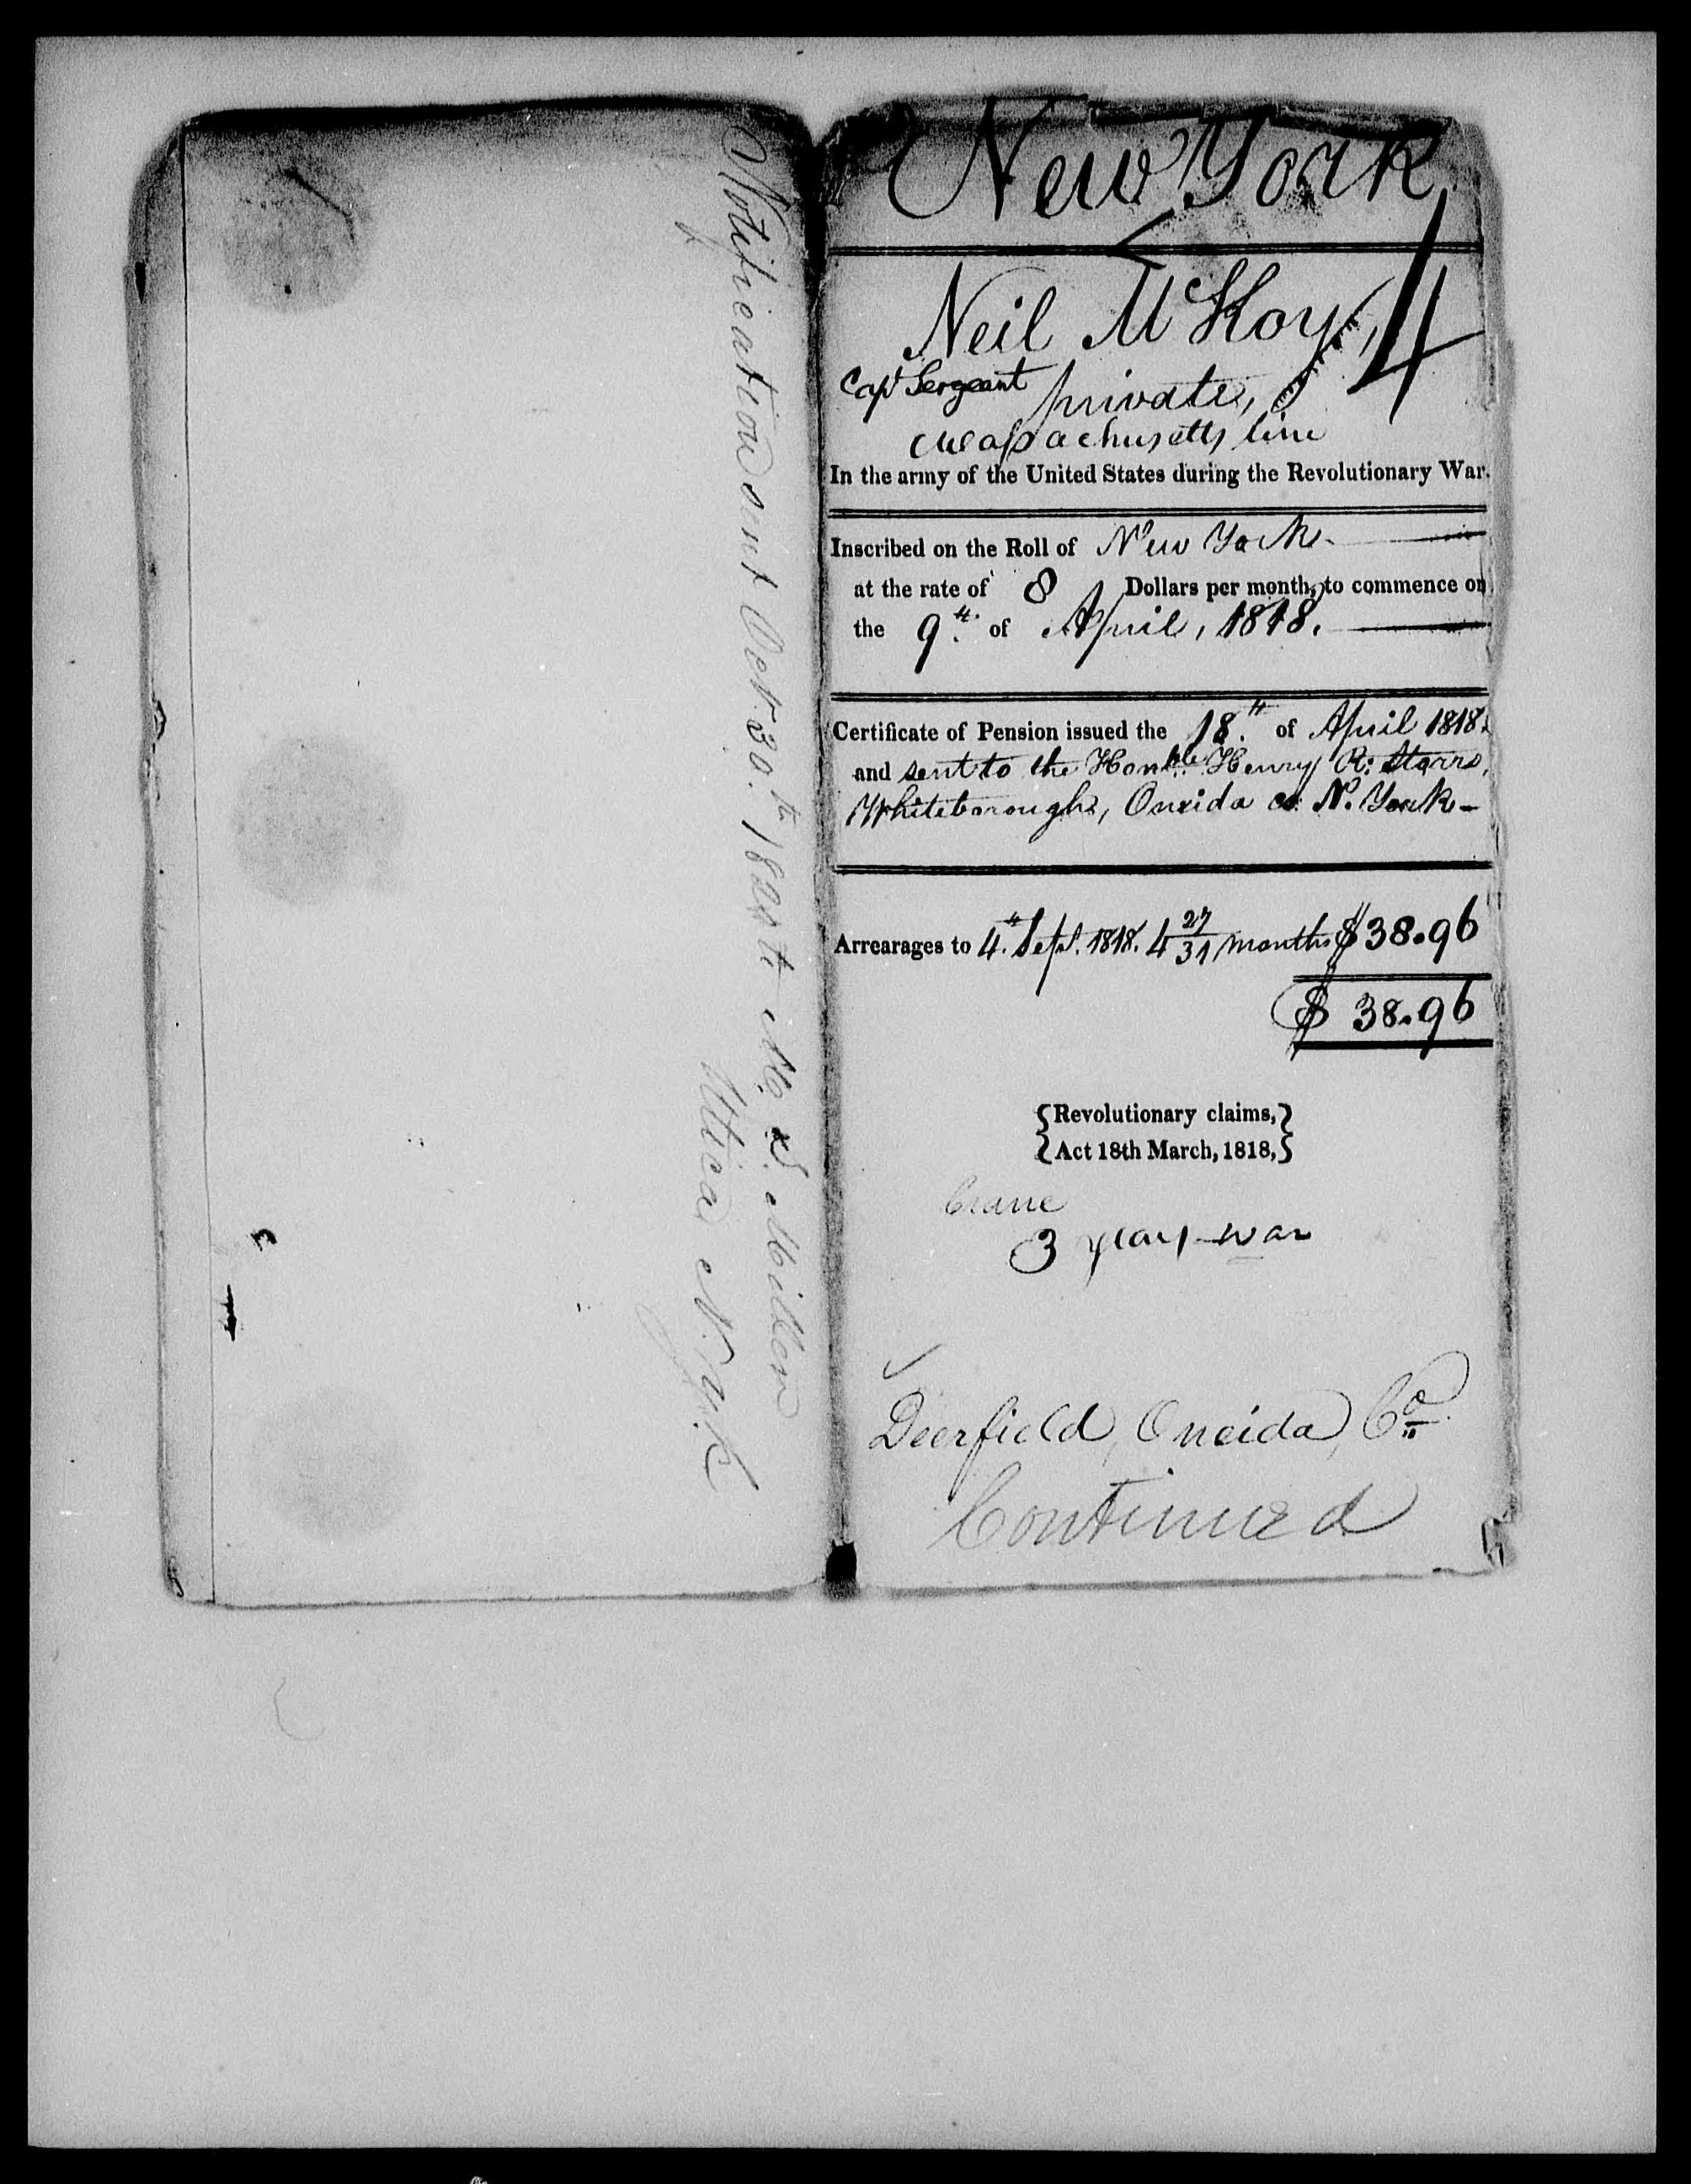Notification sent Oct 30th 1820 to M S Miller 
Utica N York
New York
Neil McKoy
Capt Sergeant private Massachusetts line
In the army of the United States during the Revolutionary War
Inscribed on the Roll of New York at the rate of 8 Dollars per month to commence on the 9th of April, 1818.
Certificate of Pension issued the 18th of April 1818 and sent to the Honable Henry R. Starrs, Whiteborough, Oneida, N. York
Arrearages to 4th Sept 1818 4 27/31 months $38.96
$38.96
{Revolutionary Claims, Act 18th March, 1818,}
crane
3 years war
Deerfield, Oneida Co
Continued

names: Henry R Storrs; M S Miller; Neil Mc Koy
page: 2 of 11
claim: survivor's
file: S. 42951, for Neil Mc Koy, Massachusetts